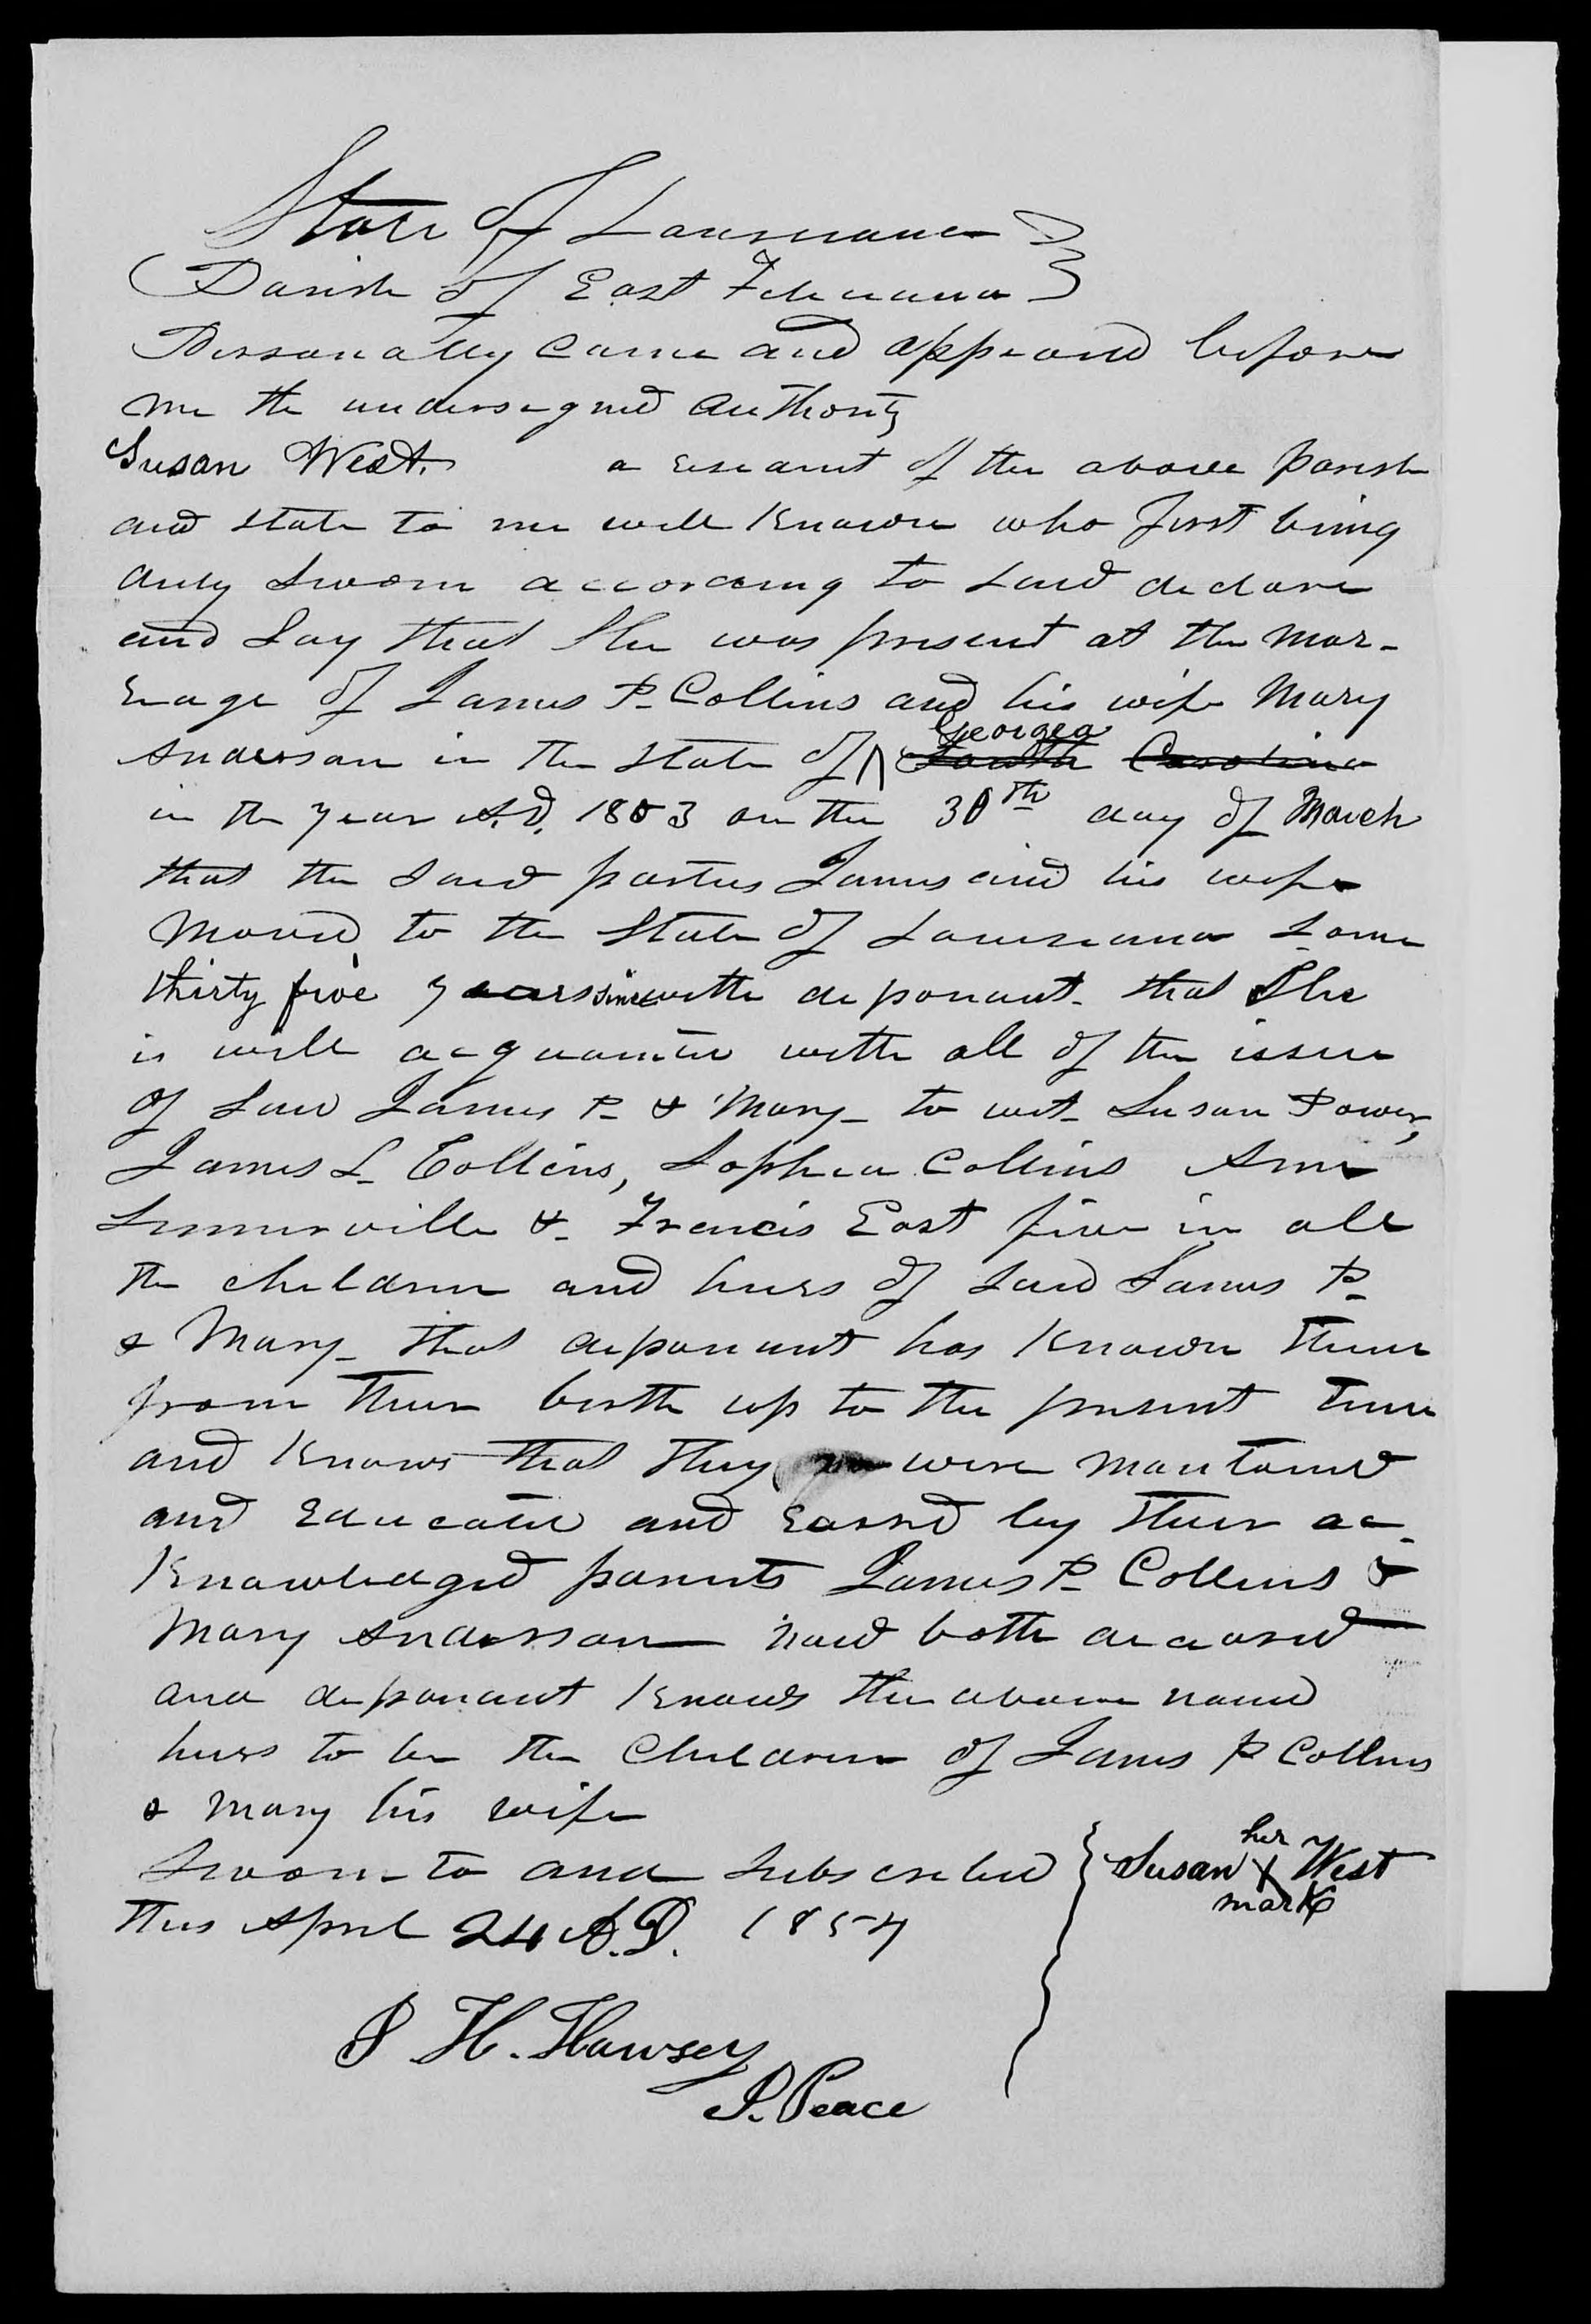State of Louisiana
Parish of East Feliciana
Personally came and appeared before me the undersigned authority Susan West, a resident of the above parish and states to me well known who just being duly sworn according to Law declare and say that she was present at the marriage of James P. Collins and his wife Mary Anderson in the state of South Carolina [crossed out] Georgia in the year A.D. 1853 on this 30th day of March that the said parties James and his wife moved to the State of Louisiana James thirty five years in with deponant. that She is well acquainted with all of the issues of Law James P. & Mary - to wit - Susan Power, James L. Collins, Sophia Collins Ann Sommerville &. Francis East five in all the children and hers of said James P. & Mary - that deponant has known them from their birth up to the present time and known that they were maintained and educated and earned by them acknowledged parents James P. Collins & Mary Anderson said both deceased and deponanat knows the above named heirs to be the children of James P Collins & Mary his wife
Sworn to and Subscribed this April 24 A.D. 1854
J. H. Hawsey
J. Peace
---
Susan her X mark West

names: Ann Summerville, Mary Anderson, James, James P Collins, Sophia Collins, J H Hawsey, James P Collins, James, Susan West, Mary, Susan West, James P, Susan Power, Mary Anderson, Mary, James P Collins, Francis East, James P Collins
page: 44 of 48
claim: rejected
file: R. 2173, James P Collins, S. C.